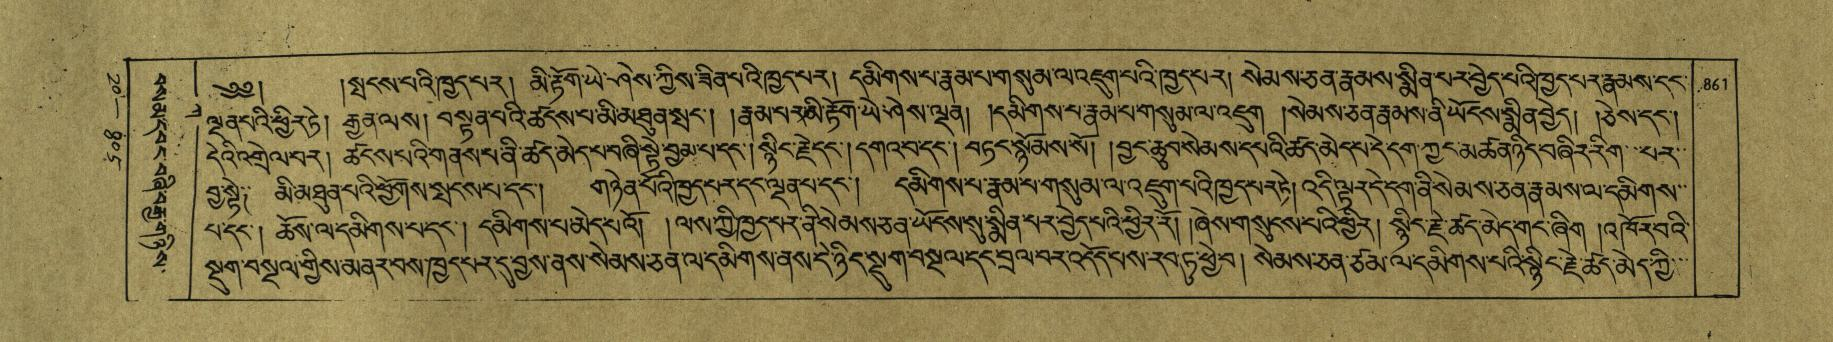༄༅། །སྤངས་པའི་ཁྱད་པར། མི་རྟོག་ཡེ་ཤེས་ཀྱིས་ཟིན་པའི་ཁྱད་པར། དམིགས་པ་རྣམ་པ་གསུམ་ལ་འཇུག་པའི་ཁྱད་པར། སེམས་ཅན་རྣམས་སྨིན་པར་བྱེད་པའི་ཁྱད་པར་རྣམས་དང་
ལྡན་པའི་ཕྱིར་ཏེ། རྒྱན་ལས། བསྟན་པའི་ཚངས་པ་མི་མཐུན་སྤང་། །རྣམ་པར་མི་རྟོག་ཡེ་ཤེས་ལྡན། །དམིགས་པ་རྣམ་པ་གསུམ་ལ་འཇུག །སེམས་ཅན་རྣམས་ནི་ཡོངས་སྨིན་བྱེད། །ཅེས་དང་།
དེའི་འགྲེལ་བར། ཚངས་པའི་གནས་པ་ནི་ཚད་མེད་པ་བཞི་སྟེ་བྱམས་པ་དང་། སྙིང་རྗེ་དང་། དགའ་བ་དང་། བཏང་སྙོམས་སོ། །བྱང་ཆུབ་སེམས་དཔའི་ཚད་མེད་པ་དེ་དག་ཀྱང་མཚན་ཉིད་བཞིར་རིག་པར་
བྱ་སྟེ༑ མི་མཐུན་པའི་ཕྱོགས་སྤངས་པ་དང་། གཉེན་པོའི་ཁྱད་པར་དང་ལྡན་པ་དང་། དམིགས་པ་རྣམ་པ་གསུམ་ལ་འཇུག་པའི་ཁྱད་པར་ཏེ། འདི་ལྟར་དེ་དག་ནི་སེམས་ཅན་རྣམས་ལ་དམིགས་
པ་དང་། ཆོས་ལ་དམིགས་པ་དང་། དམིགས་པ་མེད་པའོ། །ལས་ཀྱི་ཁྱད་པར་ནི་སེམས་ཅན་ཡོངས་སུ་སྨིན་པར་བྱེད་པའི་ཕྱིར་རོ། །ཞེས་གསུངས་པའི་ཕྱིར། སྙིང་རྗེ་ཚད་མེད་གང་ཞིག །འཁོར་བའི་
སྡུག་བསྔལ་གྱིས་མནར་བས་ཁྱད་པར་དུ་བྱས་ནས་སེམས་ཅན་ལ་དམིགས་ནས་དེ་ཉིད་སྡུག་བསྔལ་དང་བྲལ་བར་འདོད་པས་རབ་ཏུ་ཕྱེ་བ། སེམས་ཅན་ཙམ་ལ་དམིགས་པའི་སྙིང་རྗེ་ཚད་མེད་ཀྱི་